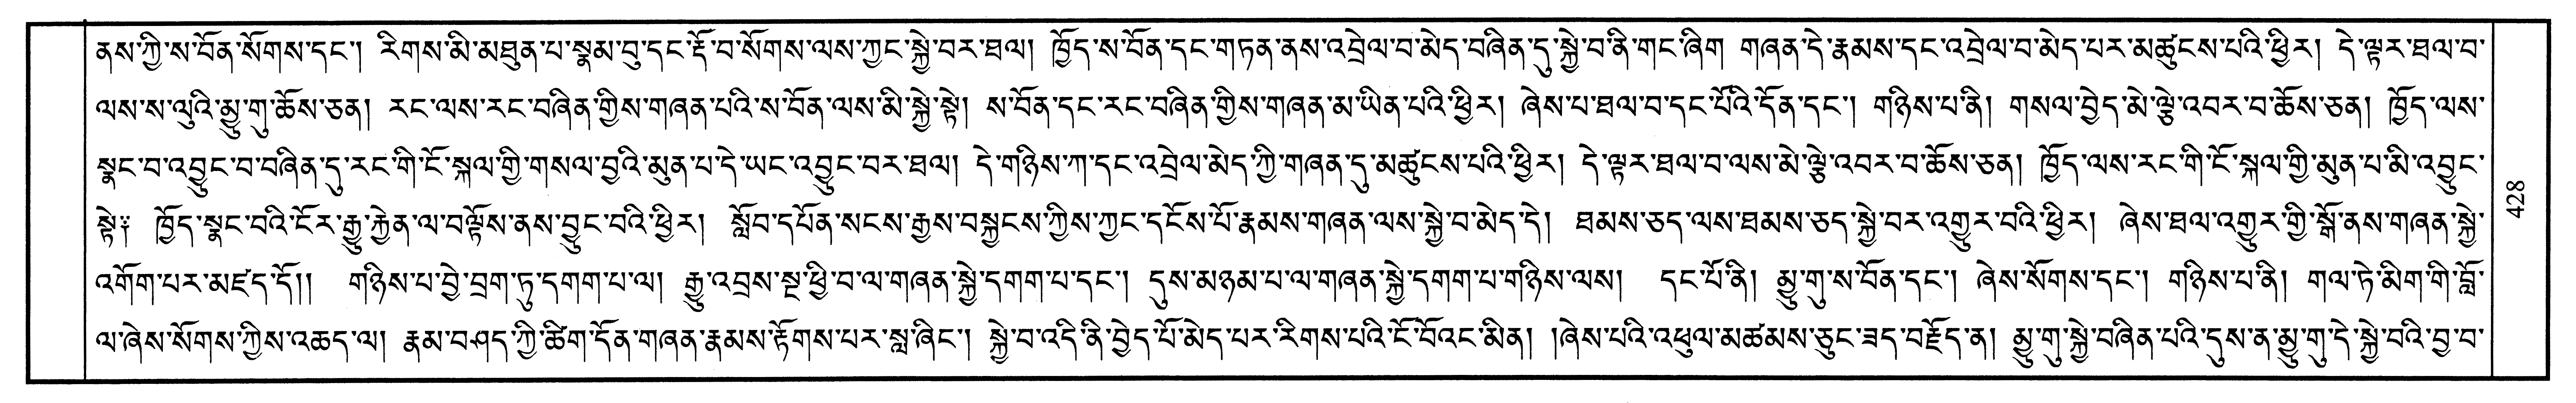ནས་ཀྱི་ས་བོན་སོགས་དང་། རིགས་མི་མཐུན་པ་སྣམ་བུ་དང་རྡོ་བ་སོགས་ལས་ཀྱང་སྐྱེ་བར་ཐལ། ཁྱོད་ས་བོན་དང་གཏན་ནས་འབྲེལ་བ་མེད་བཞིན་དུ་སྐྱེ་བ་ནི་གང་ཞིག། གཞན་དེ་རྣམས་དང་འབར༣ཨེལ་བ་མེད་པར་མཚུངས་པའི་ཕྱིར། དེ་ལྟར་ཐལ་བ་
ལས་ས་ལུའི་མྱུ་གུ་ཆོས་ཅན། རང་ལས་རང་བཞིན་གྱིས་གཞན་པའི་ས་བོན་ལས་མི་སྐྱེ་སྟེ། ས་བོན་དང་བཞིན་གྱིས་གཞན་མ་ཡིན་པའི་ཕྱིར། ཞེས་པ་ཐལ་བ་དང་པའི་དོན་དང་། གཉིས་པ་ནི། གསལ་བྱེད་མེ་ལྕེ་འབར་བ་ཆོས་ཅན། ཁྱོད་ལས་
སྣང་བ་འབྱུང་བ་བཞིན་དུ་རང་གི་ངོ་སྐལ་གྱི་གསལ་བྱའི་མུན་པ་དེ་ཡང་འབྱུང་བར་ཐལ། དེ་གཉིས་ཀ་དང་འབྲེལ་མེད་ཀྱི་གཞན་དུ་མཚུངས་པའི་ཕྱིར། དེ་ལྟར་ཐལ་བ་ལས་མེ་ལྕེ་འབར་བ་ཆོས་ཅན། ཁྱོད་ལས་རང་གི་ངོ་སྐལ་གྱི་མུན་པ་མི་འབྱུང་
སྟེ༑ ཁྱོད་སྣང་བའི་ངོར་རྒྱུ་རྐྱེན་ལ་བལྟོས་ནས་བྱུང་བའི་ཕྱིར། སློབ་དཔོན་སངས་རྒྱས་བསྐྱངས་ཀྱིས་ཀྱང་དངོས་པོ་རྣམས་གཞན་ལས་སྐྱེ་བ་མེད་དེ། ཐམས་ཅད་ལས་ཐམས་ཅད་སྐྱེ་བར་འགྱུར་བའི་ཕྱིར། ཞེས་ཐལ་འགྱུར་གྱི་སྒོ་ནས་གཞན་སྐྱེ་
འགོག་པར་མཛད་དོ།། གཉིས་པ་བྱེ་བྲག་ཏུ་དགག་པ་ལ། རྒྱུ་འབྲས་སྔ་ཕྱི་བ་ལ་གཞན་སྐྱེ་དགག་པ་དང་། དུས་མཉམ་པ་ལ་གཞན་སྐྱེ་དགག་པ་གཉིས་ལས། དང་པོ་ནི། མྱུ་གུ་ས་བོན་དང་། ཞེས་སོགས་དང་། གཉིས་པ་ནི། གལ་ཏེ་མིག་གི་བློ་
ལ་ཞེས་སོགས་ཀྱིས་འཆད་ལ། རྣམ་བཤད་ཀྱི་ཚིག་དོན་གཞན་རྣམས་རྟོགས་པར་སླ་ཞིང་། སྐྱེ་བ་འདི་ནི་བྱེད་པོ་མེད་པར་རིགས་པའི་ངོ་བོའང་མིན། །ཞེས་པའི་འཕུལ་མཚམས་ཅུང་ཟད་བརྗོད་ན། མྱུ་གུ་སྐྱེ་བཞིན་པའི་དུས་ན་མྱུ་གུ་དེ་སྐྱེ་བའི་བྱ་བ་